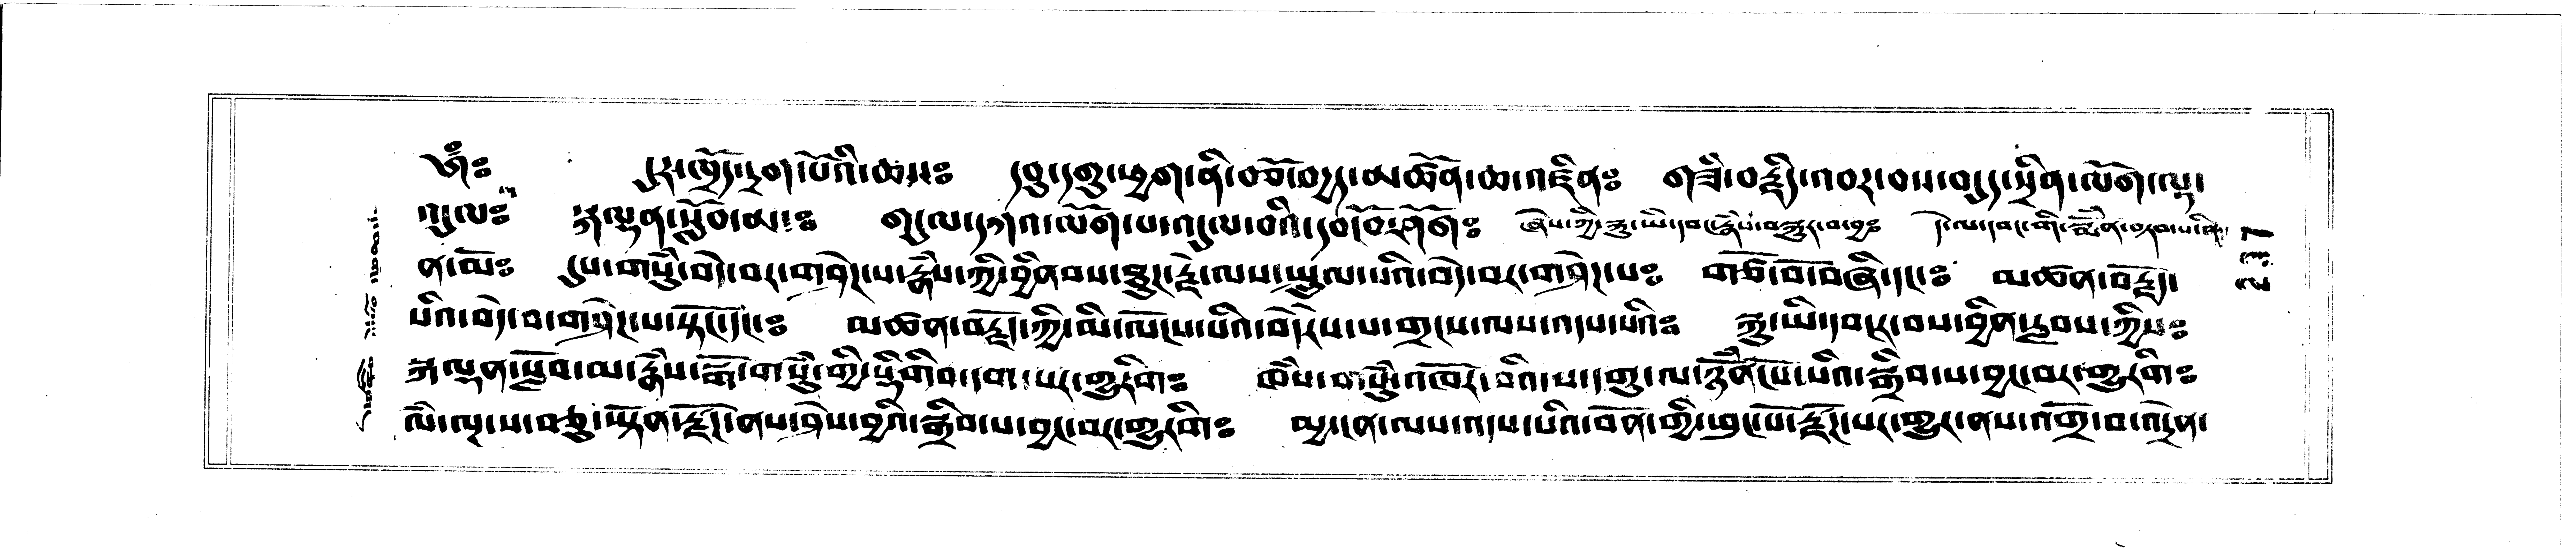དུར་ཁྲོད་དྲག་པོའི་ཆསཿ དབུ་དགུ་ཕྱག་ནི་བཅོ་བརྒྱད་མཚོན་ཆ་འཛིནཿ གཟི་བརྗིད་འབར་བས་བདུད་སྲིན་ལོག་ལྟ་
འདུལཿ སྐལ་ལྡན་སློབ་མ་རྣམས་ལ་དབང་བསྐུར་བསཿ བདུད་སྲིན་ལོག་པ་འདུལ་བའི་དབང་ཐོབ་ཤོགཿ ཞེས་ཀྱི་སྐུ་ཡི་དབང་རྣམས་བསྐུར་བར་བྱཿ དེ་ལ་དབང་གི་སྨོན་ལམ་བཏབ་པ་ནིཿ 
ན་མོཿ དུས་གསུམ་བདེ་བར་གཤེགས་པ་རྣམས་ཀྱི་བྱིན་རླབས་ཐུགས་རྗེ་ལས་སྤྲུལ་པའི་བདེ་བར་གཤེགས་པ་གཙོ་བོ་བཞི་དངཿ མཚན་བརྗོད་
པའི་བདེ་བར་གཤེགས་པ་སྟོང་དངཿ མཚན་བརྗོད་ཀྱིས་མི་ལངས་པའི་བདེ་བར་གཤེགས་པ་གྲངས་ལས་འདས་པའིཿ སྐུ་ཡི་དབང་བསྐུར་བའི་བྱིན་རླབས་ཀྱིསཿ 
སྐལ་ལྡན་སློབ་མ་རྣམས་སྒོ་གསུམ་གྱི་སྡིག་སྒྲིབ་དག་པར་གྱུར་ཅིགཿ ཁམས་གསུམ་འཁོར་བའི་ས་དགུ་ལ་ཉོན་མོངས་པའི་སྒྲིབ་པ་བྱང་བར་གྱུར་ཅིགཿ
 ལམ་ལྔ་ས་བཅུ་ཡོན་ཏན་རྫོགས་ནས་ཤེས་བྱའི་སྒྲིབ་པ་བྱང་བར་གྱུར་ཅིགཿ མྱ་ངན་ལས་འདས་པའི་བོན་གྱི་ཕུང་པོ་རྫོགས་པར་གྱུར་ནས་འགྲོ་བ་འདྲེན་